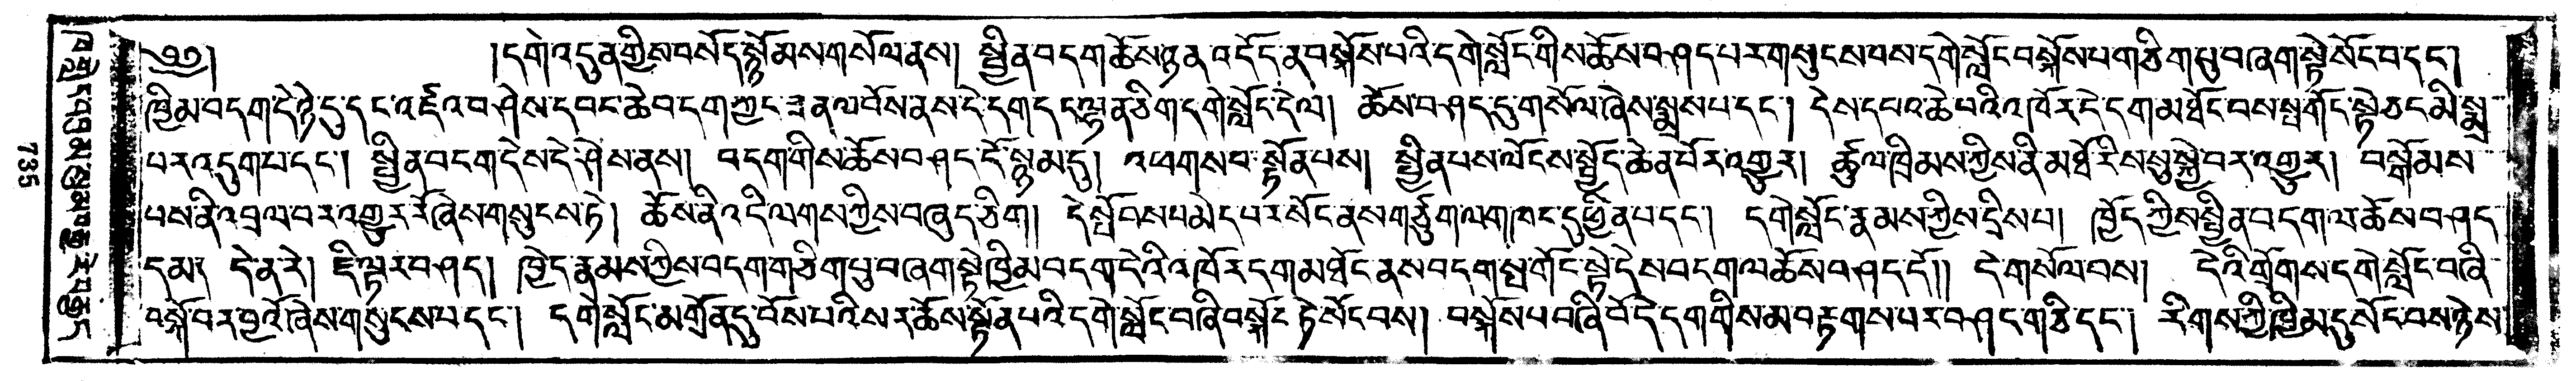༄༅། །དགེ་འདུན་གྱིས་བསོད་སྙོམས་གསོལ་ནས། སྦྱིན་བདག་ཆོས་ཉན་འདོད་ན་བསྐོས་པའི་དགེ་སློང་གིས་ཆོས་བཤད་པར་གསུངས་པས་དགེ་སློང་བསྐོས་པ་གཅིག་པུ་བཞག་སྟེ་སོང་བ་དང་།
ཁྱིམ་བདག་དེ་ཉེ་དུ་དང་འཛའ་བཤེས་དབང་ཆེ་བ་དག་ཀྱང་ཟན་ལ་བོས་ནས་དེ་དག་དང་ལྷན་ཅིག་དགེ་སློང་དེ་ལ། ཆོས་བཤད་དུ་གསོལ་ཞེས་སྨྲས་པ་དང་། དེས་དཔའ་ཆེ་པའི་འཁོར་དེ་དག་མཐོང་བས་སྤ་གོང་སྟེ་ཅང་མི་སྨྲ་
པར་འདུག་པ་དང་། སྤྱིན་བདག་དེས་དེ་ཤེས་ནས། བདག་གིས་ཆོས་བཤད་དོ་སྙམ་དུ། འཕགས་པ༑ སྟོན་པས། སྤྱིན་པས་ལོངས་སྦྱོད་ཆེན་པོར་འགྱུར། ཚུལ་ཁྲིམས་ཀྱིས་ནི་མཐོ་རིས་སུ་སྐྱེ་བར་འགྱུར། བསྒོམས་
པས་ནི་འབྲལ་བར་འགྱུར་རོ་ཞེས་གསུངས་ཏེ། ཆོས་ནི་འདི་ལགས་ཀྱིས་བཞུད་ཅིག། དེ་སྤོབས་པ་མེད་པར་སོང་ནས་གཙུག་ལག་ཁང་དུ་ཕྱིན་པ་དང་། དགེ་སློང་རྣམས་ཀྱིས་དྲིས་པ། ཁྱོད་ཀྱིས་སྤྱིན་བདག་ལ་ཆོས་བཤད་
དམ༑ དེ་ན་རེ། ཇི་ལྟར་བཤད། ཁྱེད་རྣམས་ཀྱིས་བདག་གཅིག་པུ་བཞག་སྟེ་ཁྱིམ་བདག་དེའི་འཁོར་དག་མཐོང་ནས་བདག་སྤ་གོང་སྟེ་དེས་བདག་ལ་ཆོས་བཤད་དོ། །དེ་གསོལ་བས། དེའི་གྲོགས་དགེ་སློང་བཞི་
བསྐོ་བར་བྱའོ་ཞེས་གསུངས་པ་དང་། དགེ་སློང་མགྲོན་དུ་བོས་པའི་སར་ཆོས་སྟོན་པའི་དགེ་སློང་བཞི་བསྐོང་ཏེ་སོང་བས། བསྐོས་པ་བཞི་བོ་དེ་དག་གིས་མ་བརྟགས་པར་བཤང་གཅི་དང་། རིགས་ཀྱི་ཁྱིམ་དུ་སོང་བས་ཉེས་